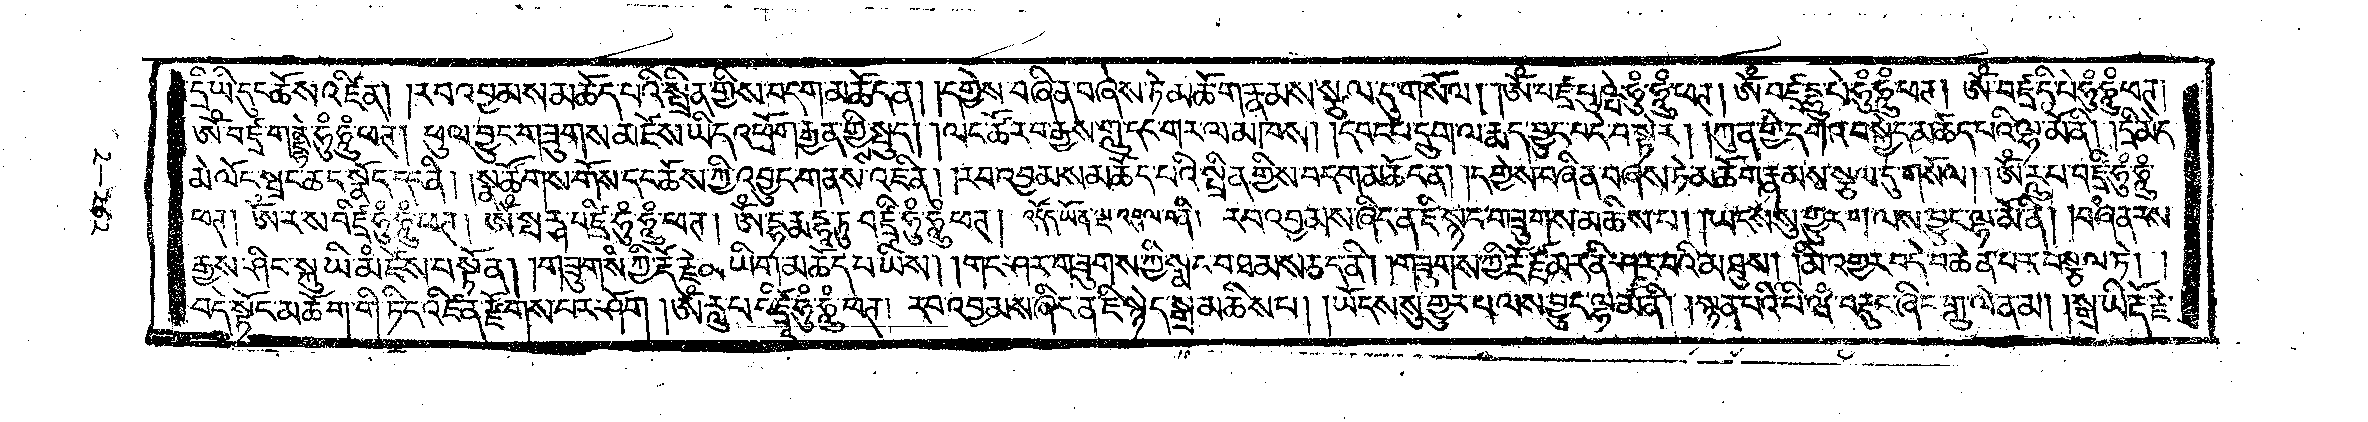དྲི་ཡི་དུང་ཆོས་འཛིན། །རབ་འབྱམས་མཆོད་པའི་སྤྲིན་གྱིས་བདག་མཆོད་ན། །དགྱེས་བཞིན་བཞེས་ཏེ་མཆོག་རྣམས་སྩལ་དུ་གསོལ། །ཨོཾ་བཛྲ་པྱཥཔ་ཧུཾ་ཧཱུཾ་ཕཊ། ཨོཾ་བཛྲ་དྷུ་པེ་ཧུཾ་ཧཱུཾ་ཕཊ། ཨོཾ་བཛྲ་དཱི་པེ་ཧུཾ་ཧཱུཾ་ཕཊ།
ཨོཾ་བཛྲ་གནྡྷེ་ཧུཾ་ཧཱུཾ་ཕཊ། ཕུལ་བྱུང་གཟུགས་མཛེས་ཡིད་འཕྲོག་རྒྱན་གྱི་སྤུད། །ལང་ཚོར་བ་རྒྱས་གླུ་དང་གར་ལ་མཁས། །དབང་པ་དྲུག་ལ་རྨད་བྱུང་བདེ་བ་སྟེར། །ཀུན་གྱི་དགའ་བསྐྱེད་མཆོད་པའི་ལྷ་མོ་ནི། །དྲི་མེད་
མེ་ལོང་སྦྲང་ཆད་སྣོད་དང་ནི། །སྣ་ཚོགས་གོས་དང་ཆོས་ཀྱི་འབྱུང་གནས་འཛིན། །རབ་འབྱམས་མཆོད་པའི་སྤྲོན་གྱིས་བདག་མཆོད་ན། །དགྱེས་བཞིན་བཞས་ཏེ་མཆོག་རྣམས་སྩལ་དུ་གསོལ། །ཨོཾ་རཱུ་པ་བཛྲི་ཧུཾ་ཧཱུཾ་
ཕཊ། ཨོཾ་ར་ས་བིཛྲ་ཧུཾ་ཧཱུཾ་ཕཊ། ཨོཾ་སྤརྴ་བཛྲི་ཧུཾ་ཧཱུཾ་ཕཊ། ཨོཾ་དྷརྨ་དྷཱ་ཏུ་བཛྲི་ཧུཾ་ཧཱུཾ་ཕཊ། འོདད་ཡོན་ལྔ་འབུལ་བ་ནི། རབ་འབྱམས་ཞིང་ན་ཇི་སྙད་གཟུགས་མཆིས་པ། །ཡོངས་སུ་གྱུར་ག་ལས་བྱུང་ལྷ་མོ་ནི། །བཞན་རས་
རྒྱས་ཤིང་སྐུ་ཡི་མཛེས་བསྟོན། །གཟུགས་ཀྱི་རྡོ་རྗེ་མ་ཡིག་མཆོད་པ་ཡིས། །གང་ཤར་གཟུགས་ཀྱི་སྨང་བ་ཐམས་ཅད་ནི། །གཟུགས་ཀྱི་རྡོ་རྗེ་མར་ནི་ཤར་བའི་མཐུས། །མི་འགྱར་བདེ་བ་ཆེན་བར་བསྩལ་ཏེ། །
བདེ་སྟོང་མཆོག་གི་ཏིང་འཛིན་རྫོགས་པར་ཤོག །ཨོཾ་རླུ་པ་བཛྲཱི་ཧུཾ་ཧཱུཾ་ཕཊ། རབ་འབྱམས་ཞིང་ན་ཇི་སྙེད་སྒྲ་མཆིས་པ། །ཡོངས་སུ་གྱུར་པ་ལས་བྱུང་ལྷ་མོ་ནི། སྙན་པའི་པི་ཝིཾ་བརྡུབ་ཞིང་གླུ་ལེན་མ། །སྒྲ་ཡི་རྡོ་རྗེ་